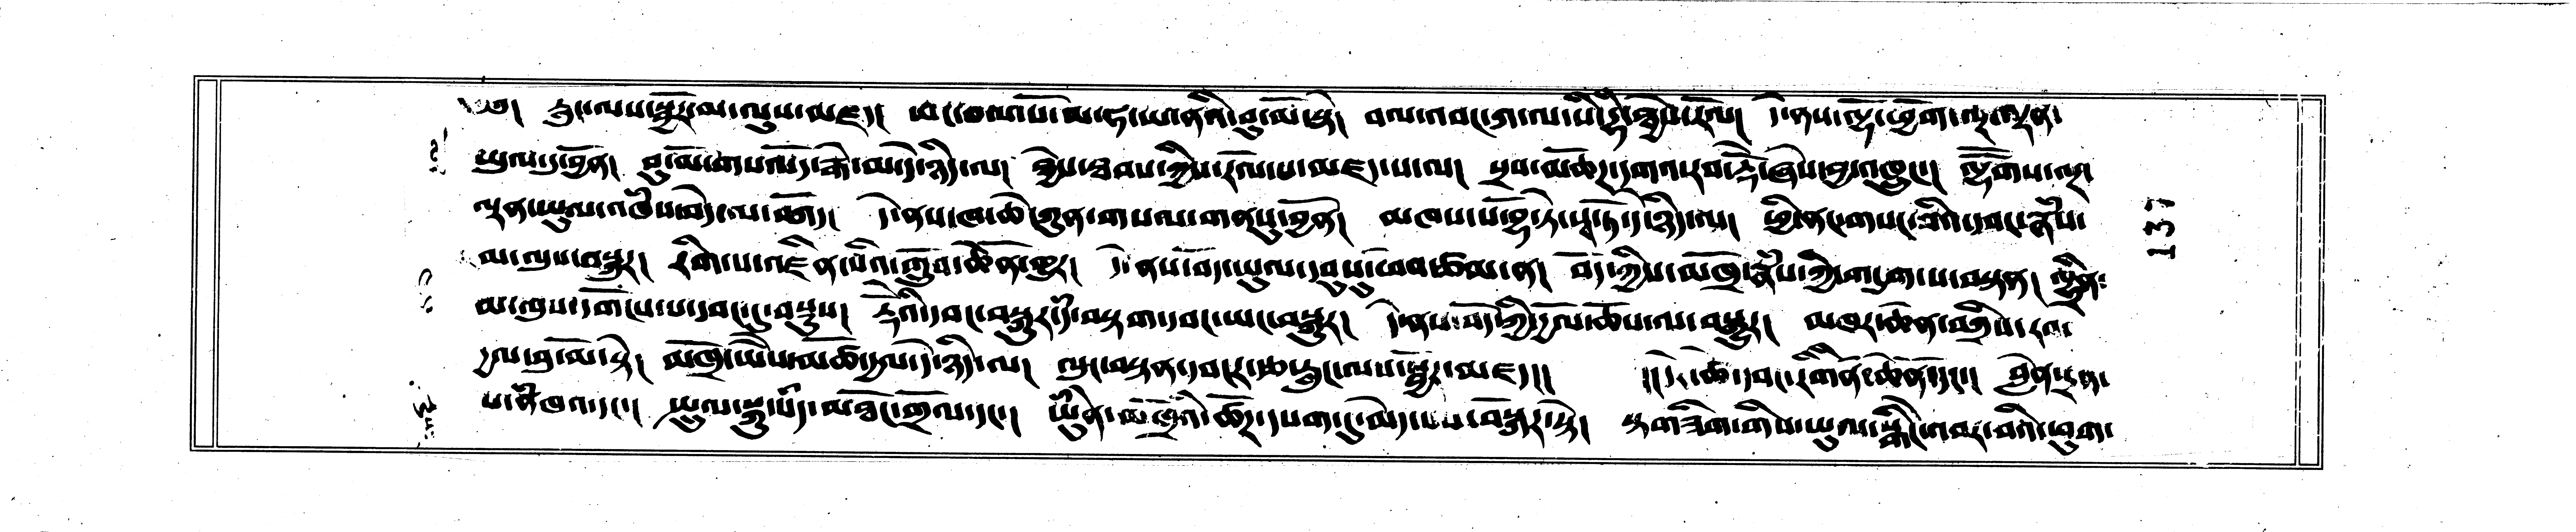རླུང་ལས་སྦྱོར་མ་ལུས་མཛད། ཡང་བལ་པོ་མ་ཧ་ནའི་བུ་མོ་སྟེ། བལ་འབངས་ཀ་ལ་སིདྷི་ཐུགས་རྗེས་རོལ། དེ་ནས་ལྷོ་ཕྱོགས་ལྔ་ལྡན་
ཡུལ་དུ་བྱོན། བུ་མོ་གསལ་འོད་རྒེ་མ་དེ་ཉིད་ལ། ཐུགས་རྗེ་ཐབས་ཀྱིས་རོལ་པ་མཛད་པ་ལས། སྲས་མཆོག་དགའ་རབ་རྡོ་རྗེ་ཞེས་བྱ་འཁྲུངས། ལྷོ་ཕྱོགས་ལྔ་
ལྡན་ཡུལ་ཁམས་བདེ་ལ་བཀོད། དེ་ནས་ཁ་ཆེ་ཀུན་གསལ་གནས་སུ་བྱོན། མཁས་པ་བྷོ་ཏི་སྭ་ཏ་དེ་ཉིད་ལ། ཕྱི་ནང་གསང་བའི་དབང་རྣམས་
མ་ལུས་བསྐུར། རིག་པ་འཛིན་པའི་གྲུབ་ཐོབ་ཆེན་པོར་གྱུར། དེ་ནས་བོད་ཡུལ་དབུས་སུ་ཕེབས་ཙམ་ན། བོད་ཀྱི་མཁའ་འགྲོ་རྣམས་ཀྱི་འདུག་ས་བསྟན། ལྷ་སྲིན་
མ་ལུས་དགོངས་པ་དབང་དུ་བསྡུས། རྡོ་རྗེའི་དབང་བསྐུར་དམ་བཏགས་དབང་ཡང་བསྐུར། དེ་ནས་བོད་ཀྱི་རྒྱལ་པོ་ཆོས་ལ་བསྒྱུར། མཁར་ཆེན་བཀྲ་ཤིས་རབ་
རྒྱལ་བུ་མོ་སྟེ། མཁའ་འགྲོ་ཡེ་ཤེས་མཚོ་རྒྱལ་དེ་ཉིད་ལ། ལུང་བསྟན་དབང་བསྐུར་རྩ་རླུང་ལས་སྦྱོར་མཛད། །དེར་ཚེ་དབང་རིག་འཛིན་ཆེན་པོ་དང་། བླ་ཆེན་དྲན
་པ་ནམ་མཁའ་དང་། སྤྲུལ་སྐུ་པད་མ་མཐོང་གྲོལ་དང་། ཡུམ་ཆེན་མཁའ་འགྲོའི་ཚོགས་དཔག་ཏུ་མེད་པས་བསྐོར་ཏེ། སྟག་གཟིག་གི་ཡུལ་སེང་གེ་འབར་བའི་ཕུག་